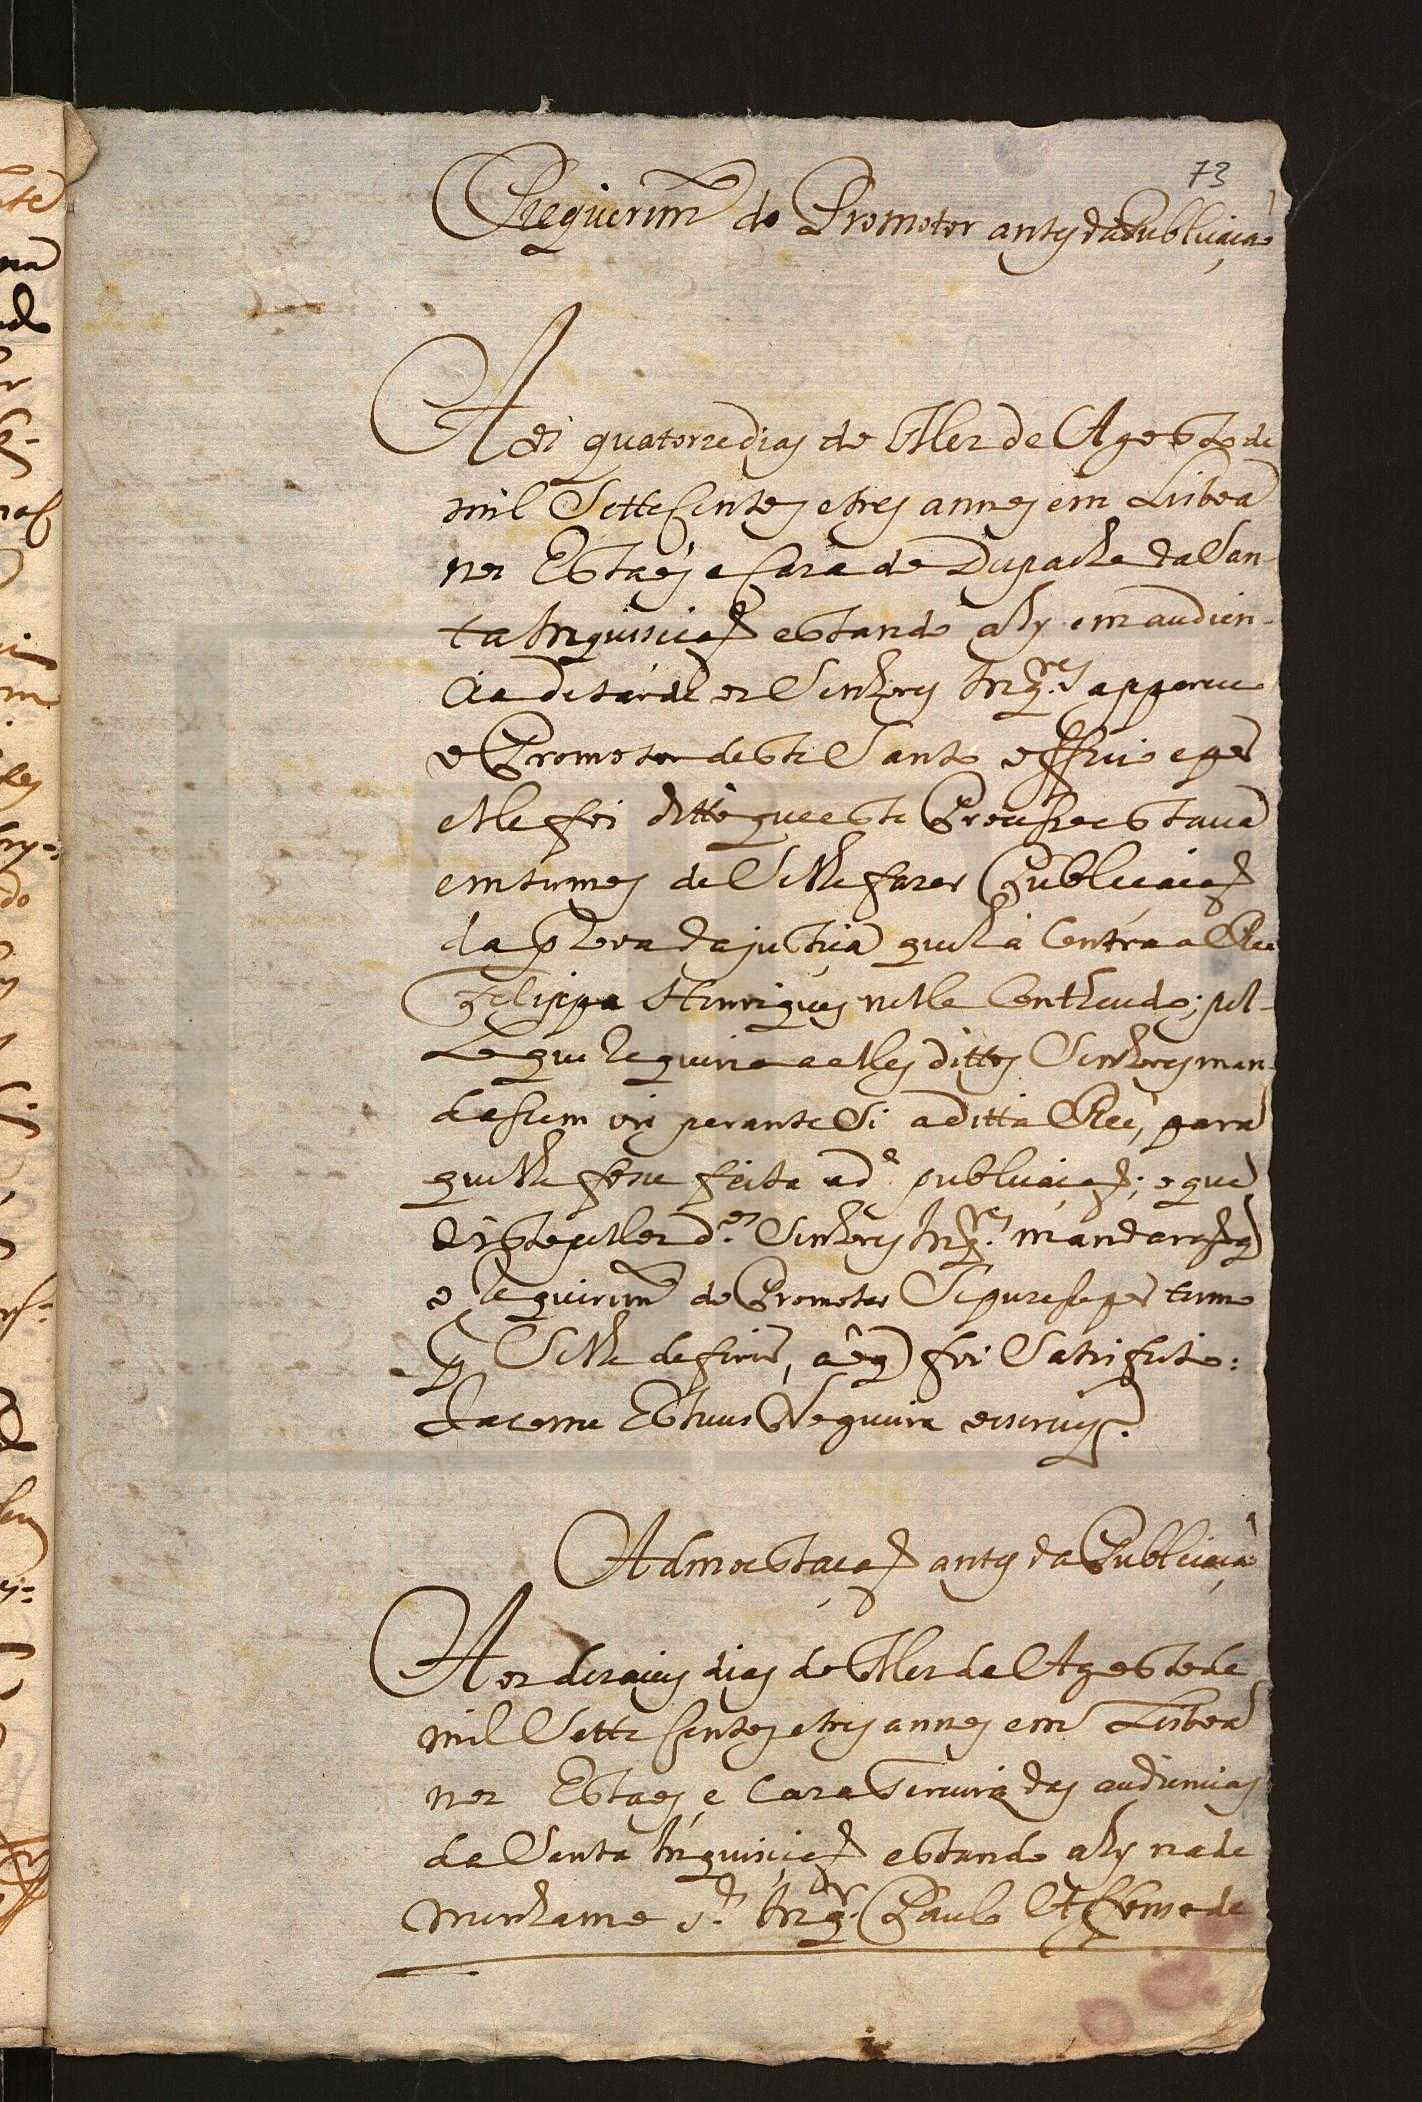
Requerimto do Promotor antes da Publicaçaõ
Aos quatorze dias do Mez de Agosto de
mil SetteCentos e tres annos em Lisboa
nos Estaos e Caza do Despacho da San
ta Inquisiçaõ estando ahy em audien
cia de tarde os Senhores Inq.res appareceo
o Promotor deste Santo officio e por
elle foi ditto que este Processo estaua
em termos de Se lhe fazer Publicaçaõ
da prova da justiça que há Contra a Ree
Felippa Henriques nelle Contheudo; pel
Lo que Requeria a elles dittos Senhores man
dassem vir perante Si a ditta Ree, para
que lhe fosse feita a da publicaçaõ; o que
disto pellos d.os Senhores Inq.res mandaraõ q̄
o Requirimto do Promotor Se puzesse por termo
pa Se lhe defirir, ao q̄ foi satisfeito.
Iacome Esteues Nogueira o escreuj.
Admoestaçaõ antes da Publicaçaõ
Aos dezaceis dias do Mez de Agosto de
mil SetteCentos e tres annos em Lisboa
nos Estaos, e Caza Terceira das audiencias
da Santa Inquisiçaõ estando ahy na de
menham o s.or Inq.or Paulo Affonso de
